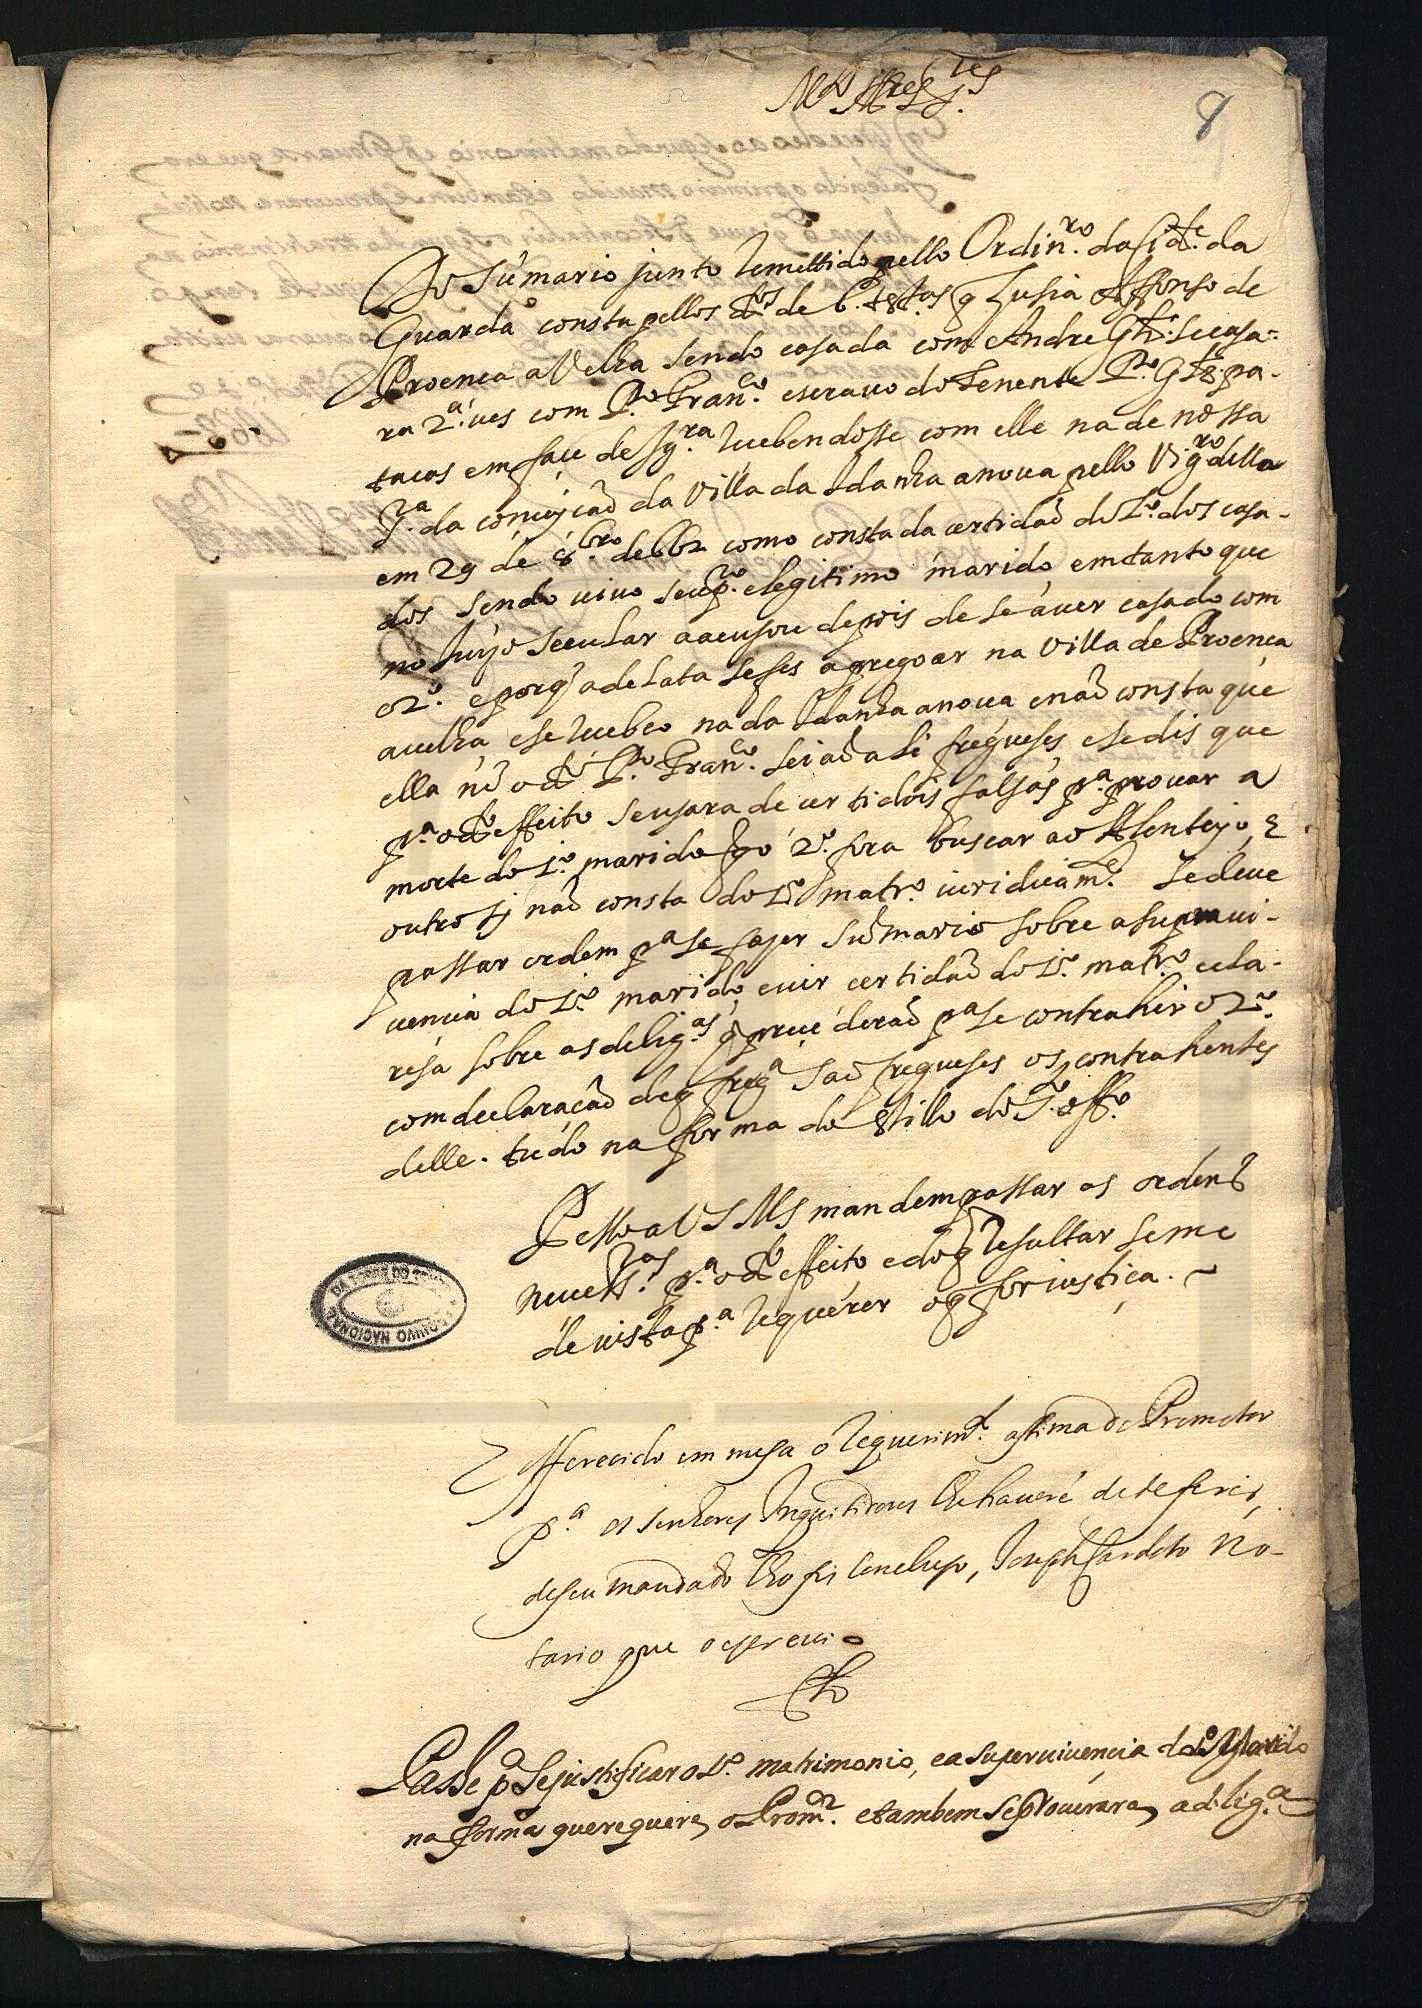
M.to Ill.res S.res
Do Sumario junto Remettido pello Ordin.ro da Cid̄.e da
Guarda o consta pellos d̄.os de 6 test.as q̄ Lusia Affonso de
Proença a Velha sendo casada com Andre Glz̄ se casa
ra 2.a ues com P.o Fran.co escrauo do Tenente P.o Glz̄ pa
tacas em façe de Jg.ra recebendosse com elle na de nossa
s.ra da conçeyção da Villa da Idanha a noua pello Vig.ro della
em 29 de 8.bro de 662 como consta da certidaõ do L.o dos casa
dos sendo uiuo seu p.ro e legitimo marido, em tanto que
no Iuízo Secular a acusou depois de se áuer casado com
o 2.o e porq̄ a delata se fes apregoar na Villa de Proença
a uelha, e se Recebeo na da Idanha a noua, e naõ consta que
ella nẽ o d̄.o P.o Fran.co seiaõ ali fregueses, e se dis que
p.a o d̄.o effeito se usara de certidois falsas p.a prouar a
morte do 1.o marido q̄ o 2.o fora buscar ao Alenteyo, E
outrosj não consta do L.o matr.o iuridicam.te se deue
passar ordem p.a se fazer sūmario sobre a supraui
uençia do 1.o marido, e uir certidão do 1.o matr.o e cla
resa sobre as dilig.as q̄ preçederaõ p.a se contrair o 2.o
com declaração de q̄ freg.a saõ fregueses os contrahentes
delle. tudo na forma do estillo do s.to off.o
Pesso a V S Ms mandem passar as ordens̄
necçes.ras p.a o d̄o effeito, e do q̄ Resultar se me
de uista p.a Requerer o q for iustiça.
E offerecido em mesa o Requerim.to assima de Promotor
p.a os senhores Inquisidores lhe hauerẽ de deferir,
de seu mandado lho fis Concluso, Ioseph Cardoso No
tario que o escrevi
Passe p.a se justificar o 1.o matrimonio, e a superuiuençia do 1.o Marido
na forma que requere o Prom.or e também se procurara a dilig.a
